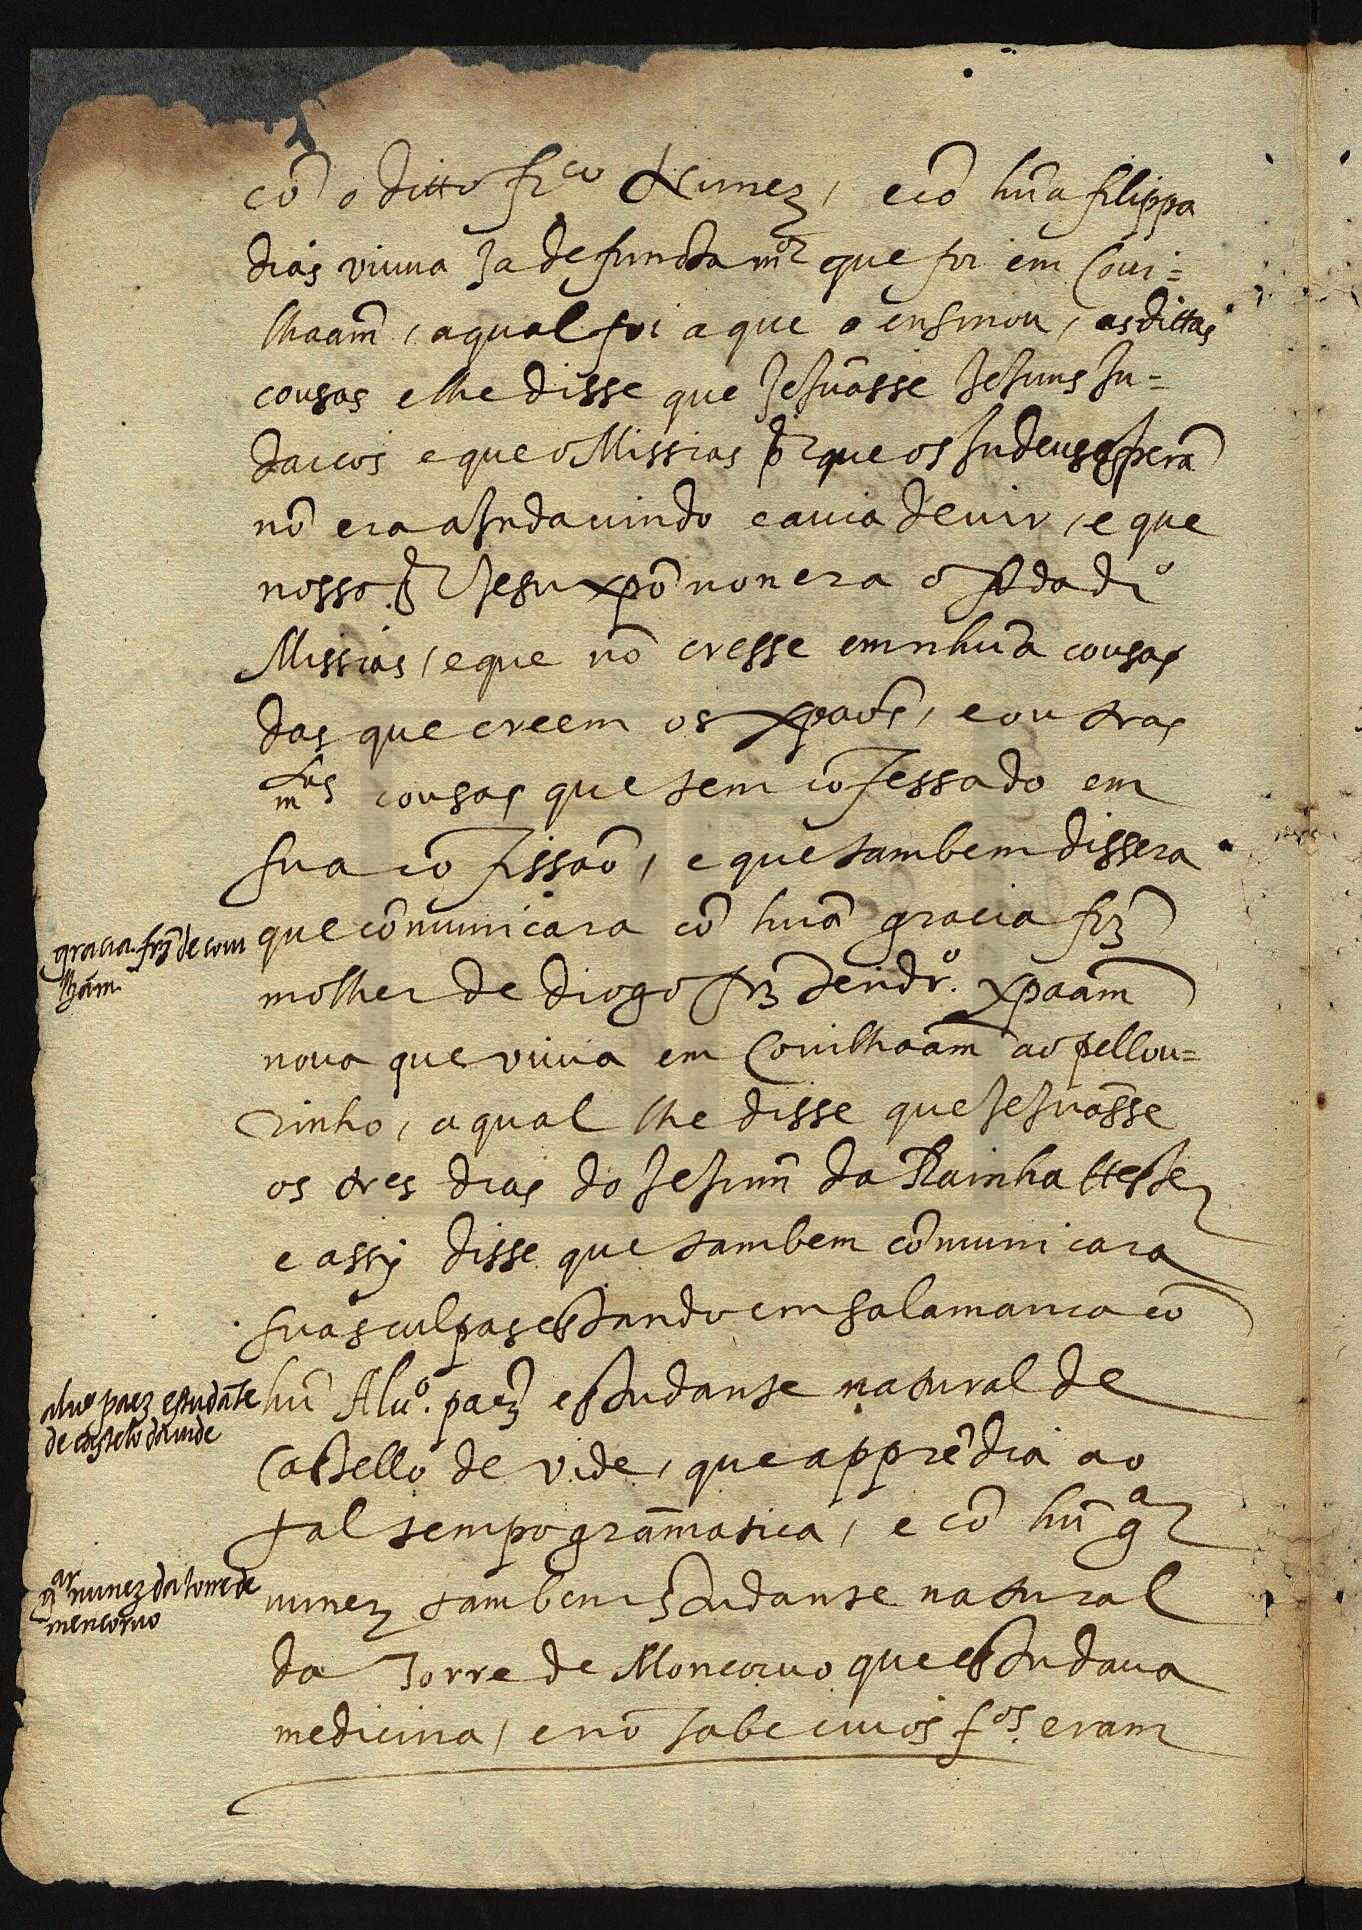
cō o ditto frco Nunez , e cō hūa filippa
dias viuua Ja defuncta mor que foi em Coui
lhaam , a qual foi a que o ensinou, as dittas
cousas e lhe disse que JeJuāsse Jejuns Ju
daicos e que o Missias por que os Judeus esperā
nō era aJnda uindo e auia de uir , e que
nosso sor Jesu xpō non era o ꝟdadro
Missias , e que nō cresse em nhūa cousas
das que creem os xpaõs, e outras
mtas cousas que tem cōfessado em
sua cōfissão , e que tambem dissera
que cōmunicara cō huā gracia frz
gracia frz̄ de coui
lham
molher de diogo frz̄ tendro xpaam̄
noua que viuia em Couilhaām ao pellou
rinho, a qual lhe disse que JeJuāsse
os tres dias do JeJum da Rainha Hester
e assy disse que tambem cōmunicara
suas culpas estando em salamanca cō
hū Aluo. paez̄ estudante natural de
aluo paez estudāte
de castelo da uide
Castello de vide, que apprēdia ao
tal tempo gram̄atica , e cō hū gar
nunez tambem studante natural
gar nunez da torre de
mencoruo
da Torre de Moncoruo que estudaua
medicina , e nō sabe cuios fos. eram
